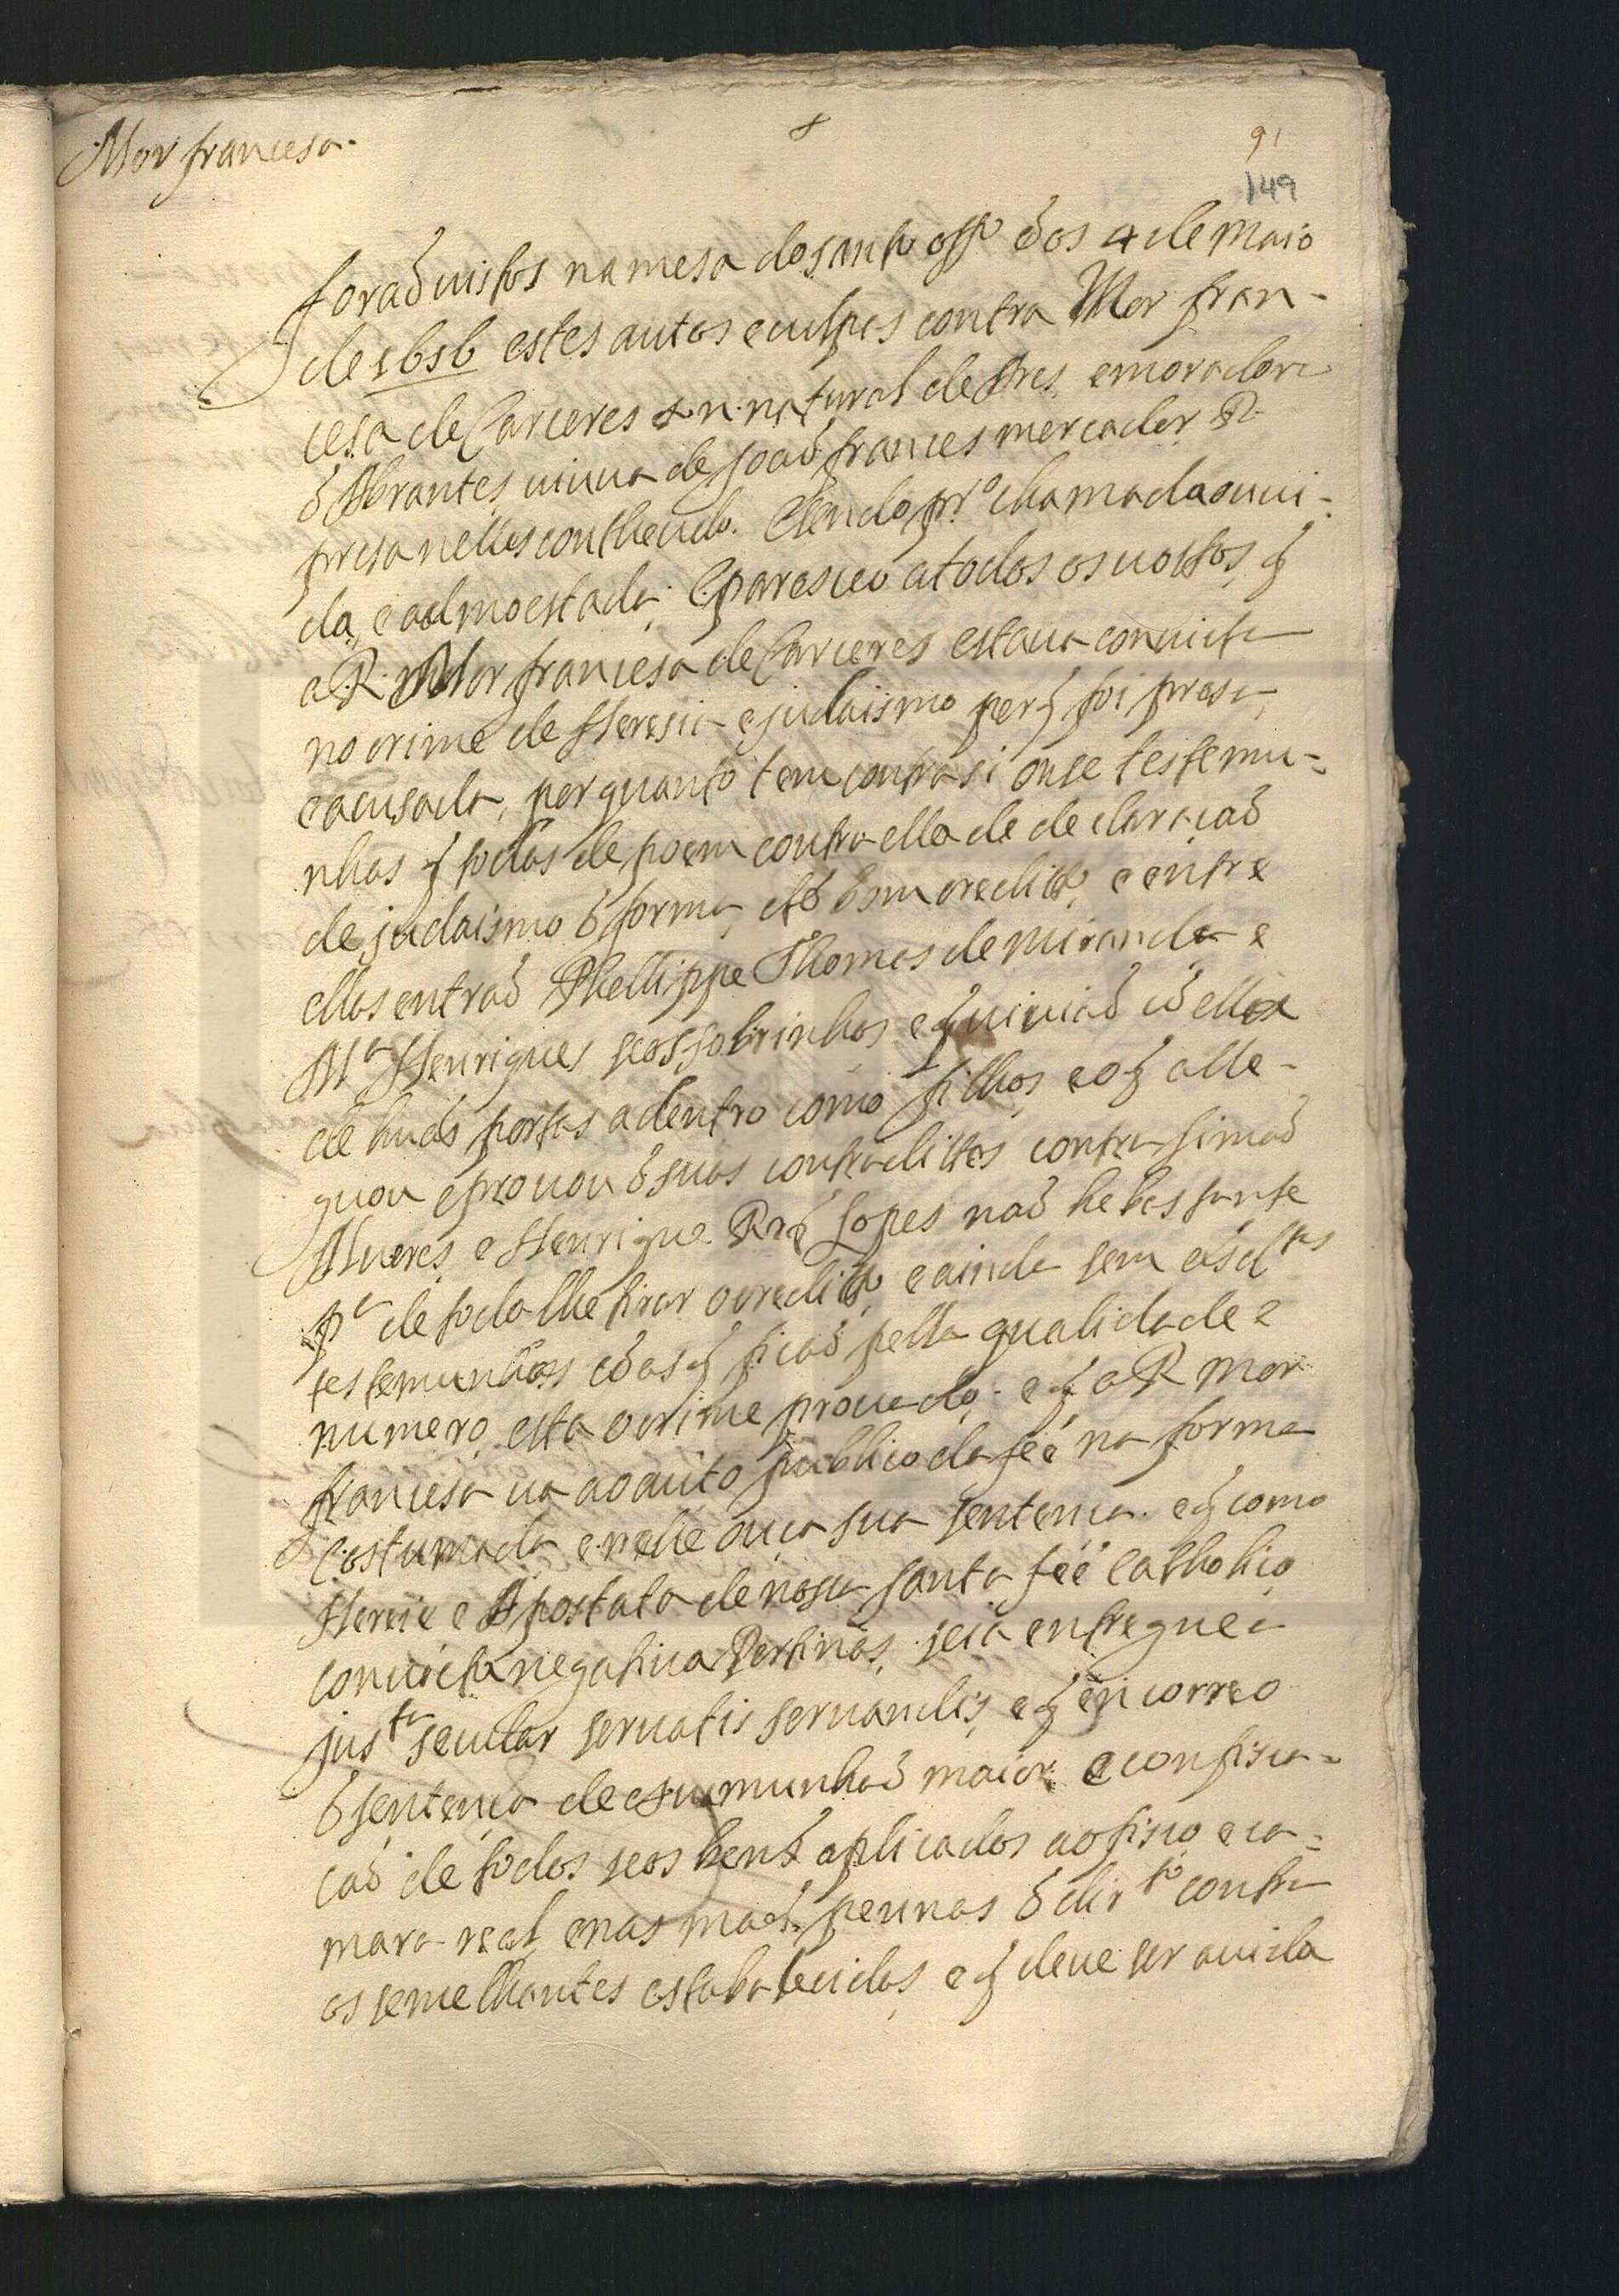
Mor francesa.
foraõ uistos na mesa do santo offo ē os 4 de maio
de 1656 estes autos e culpas contra Mor fran
cesa de Carceres x n. natural de Ares, e moradora
ē Abrantes uiuua de Joaõ frances mercador R
presa nelles contheudo. e sendo p.ro chamada ouui
da, e admoestada; e paresceo a todos os uottos, q̄
a R. Mor francesa de Carceres estaua conuicta
no crime de Heresia e judaismo per q̄ foi presa
e acusada, perquanto tem contra si onse testemu
nhas q̄ todas depoem contra ella de declaraçaõ
de judaismo ē forma, e tē bom creditto, e entre
elles entraõ Phellippe Thomas de miranda, e
Ma Henriques seos sobrinhos e q̄ uiuiaõ cō ella
de huās portas a dentro como filhos, e o q̄ alle
guou e prouou ē suas contradittas contra simaõ
Alueres, e Henrique Rroz̄ Lopes naõ he bastante
pa de todo lhe tirar o creditto, e ainda sem as dtas
testemunhas cō as q̄ ficaõ pella qualidade e
numero, esta o crime prouado; e q̄ a R mor
francesa ua ao auto publico da feé na forma
costumada e nelle ouça sua sentença. e q̄ como
Hereie e Apostata de nossa santa feé catholico
conuicta negatiua Pertinas, seia entregue a
justa secular seruatis seruandis, e q̄ encorreo
ē sentença de excomunhaõ maior e confisca
çaõ de todos seos bens aplicados ao fisco e ca
mara real, e nas maes pennas ē dirto contra
os semelhantes estabalecidas e q̄ deue ser auida
